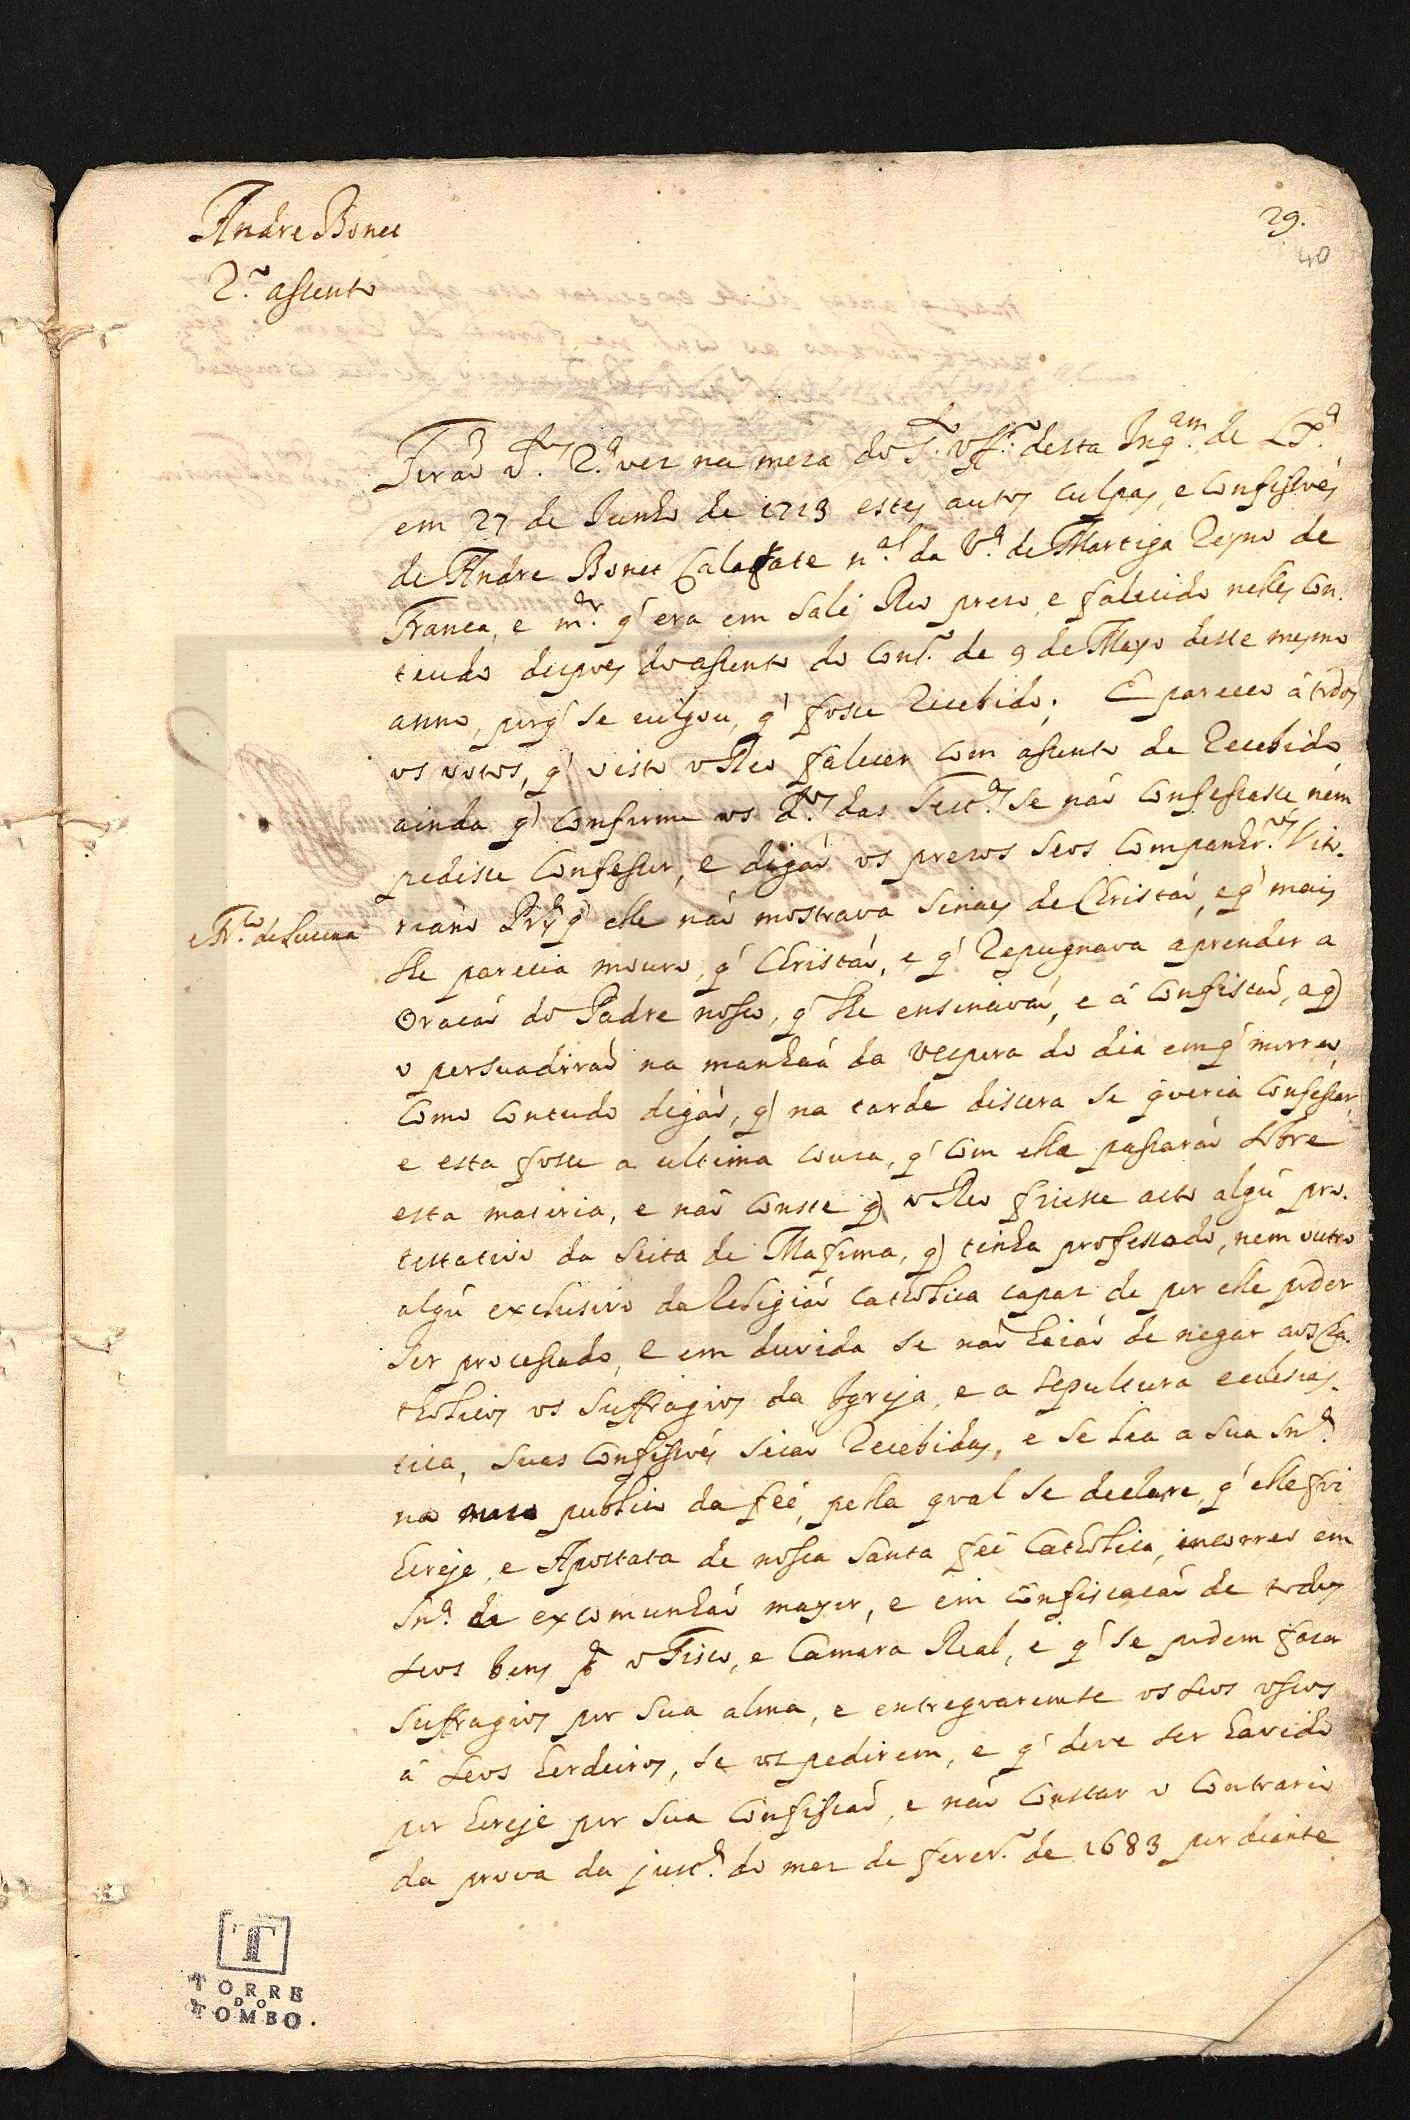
Andre Bonet
2.o assento
Foraõ d.os 2.a vez na meza do s.to off.o desta Inq.am de Lx.a
em 27 de Iunho de i713 estes autos culpas, e Confissoẽs
de Andre Bonet Calafate n.al da V.a de Martiga Reyno de
França, e m.or q̄ era em Salé Reo prezo, e falecido nelles Con
teudo dispoes do assento do Cons.o de 9 de Mayo deste mesmo
anno, porq̄ se iulgou, q̄ fosse Recebido; E pareceo á todos
os votos, q̄ visto o Reo falecer Com assento de Recebido,
ainda q̄ conforme os d̄.os das Test.as se naõ Confessasse nem
pedisse Confessar, e digaõ os prezos seos Companhr.os Vito
riano Prya q̄ elle naõ mostrava sinaes de Christaõ, e q̄ mais
Fr.co de Lucena
lhe parecia mouro, q̄ Christaõ, e q̄ Repugnava aprender a
Oraçaõ do Padre nosso, q̄ lhe ensinavaõ, e á confisçaõ, a q̄
o persuadiraõ na manhaã da vespera do dia em q̄ morreo,
Como contudo digaõ, q̄ na tarde discera se queria confessar,
e esta fosce a ultima couza, q̄ Com elle passaraõ sobre
esta materia, e naõ conste q̄ o Reo fizesse acto algū pro
testativo da seita de Mafoma, q̄ tinha professado, nem outro
algū exclusivo da Religiaõ catholica capaz de por elle poder
ser processado, e em duvida se naõ haiaõ de negar aos Ca
tholicos os suffragios da Igreja, e a sepultura ecclesias
tica, suas confissoẽs seiaõ Recebidas, e se Lea a sua sn.a
na meza publica da feé, pella qual se declare, q̄ elle foi
hereje, e Apostata de nossa Santa feé Catholica, incorreo em
sn.a de excomunhaõ mayor, e em confiscaçaõ de todos
seos bens pa o Fisco, e Camara Real, e q̄ se podem fazer
sufragios por sua alma, e entreguaremse os seos ossos
á seos herdeiros, se oz pedirem, e q̄ deve ser havido
por hereje por sua Confissaõ, e naõ Constar o Contrario
da prova da just.a do mez de fever.o de 1683 por diante
